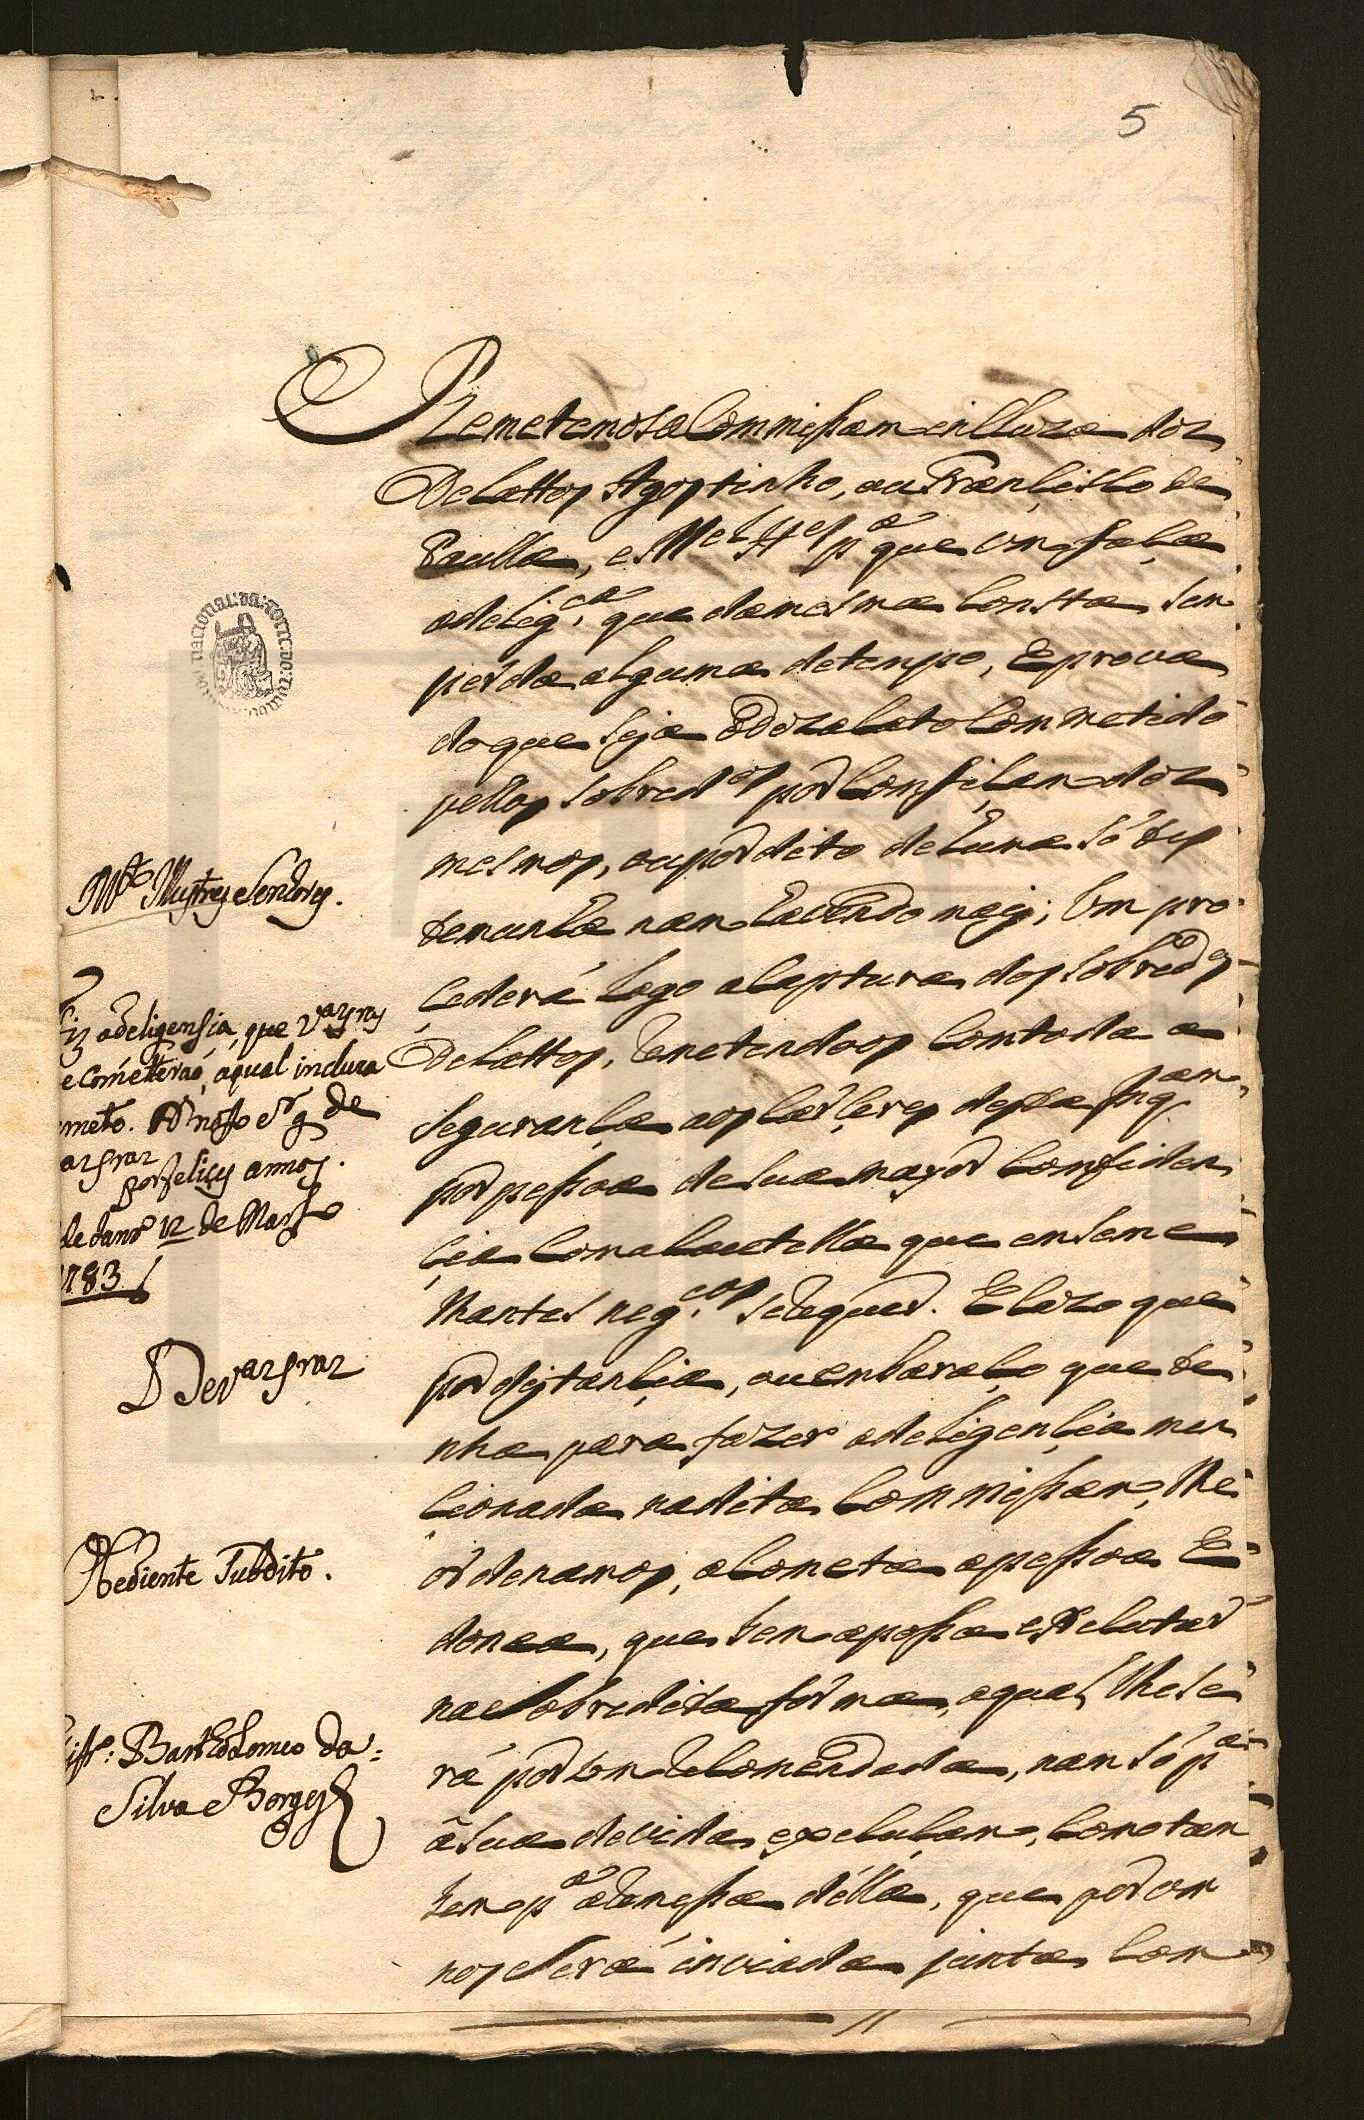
Mto Illustres Senhores.
_iz a deligensia, que Vaz sras
e cómetteraõ, a qual incluza
meto, Ao nosso er gde
az sraz
por feliçes annos.
de Ianro 12 de Marso
783
De vaz sraz
Obediente subdito.
issro: BarthoLomeo da
Silva Borges
Remetemos a Commissam= inCluza doz
DeLattos Agostinho, ou FranÇisCo de
Paulla, e M.el Hes pa que vm faÇa
a deLigca, que da mesma Constta sem
perda alguma de tempo, E prova
do que seja o dezaCato Commetido
pellos sobredos por ComfiÇam doz
mesmos, ou por dito de huma só tes
temunha nam havendo mais; vm pro
çederá Logo a captura dos sobredos
DeLattos, Remetendoos Com toda a
seguranÇa aos CarÇeres desta Jnqam
por pessoa de sua mayor Comfiden
çia com a Cautella que em seme
lhantes negços se Requer. E Cazo que
por distanÇia, ou embaraÇo que te
nha para fazer a deLigenÇia men
çionada na dita Commissam, lhe
ordenamos, o Cometa a pessoa E
donea, que bem a possa exeCutar
na Sobredita forma, a qual, lhe se
rá por vm ReComendada, nam só pa
á sua devida exeCuÇam, Como tam
bem pa a Remessa délla, que por vm
nos será inviada junta com
